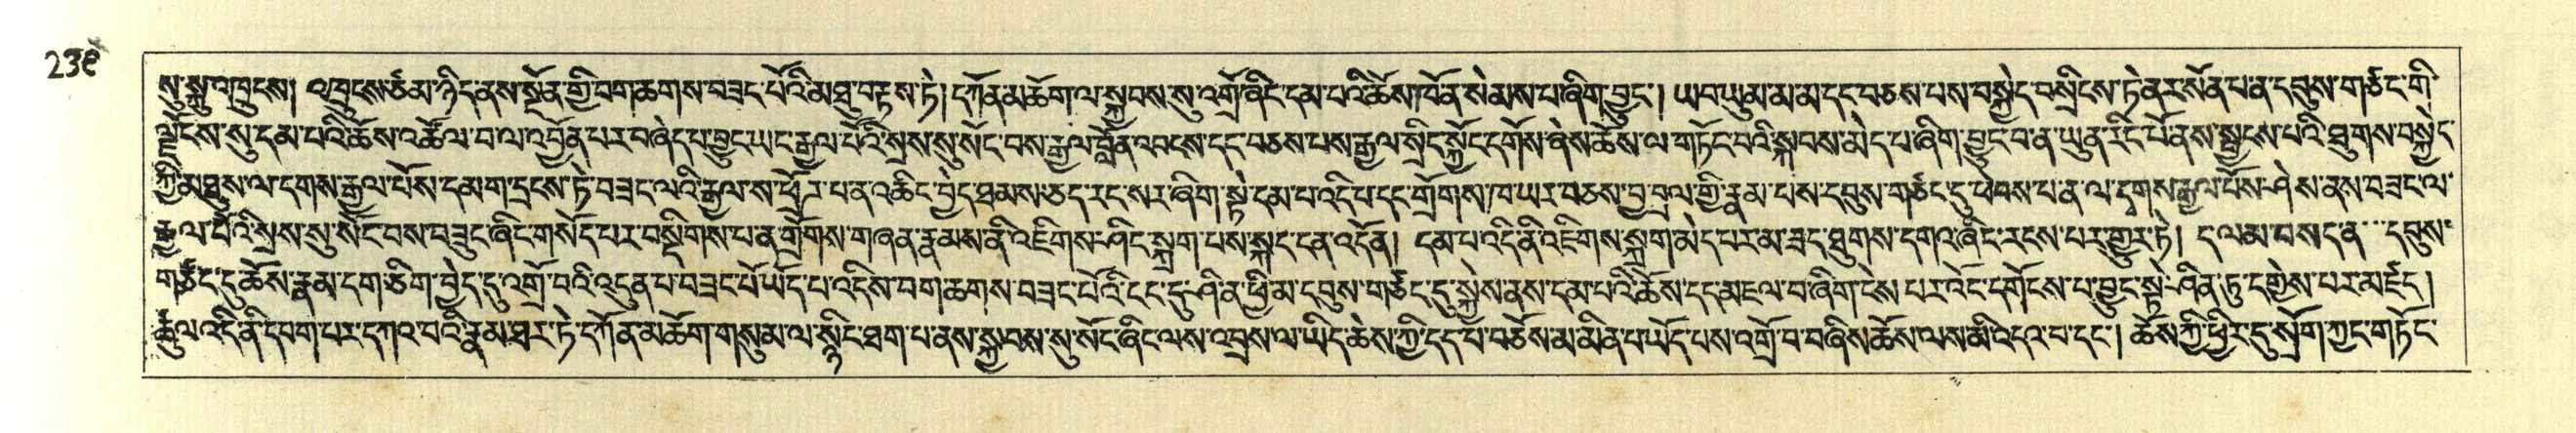སུ་སྐུ་འཁྲུངས། འཁྲུངས་ཙམ་ཉིད་ནས་སྔོན་གྱི་བག་ཆགས་བཟང་པོའི་མཐུ་བརྟས་ཏེ། དཀོན་མཆོག་ལ་སྐྱབས་སུ་འགྲོ་ཞིང་དམ་པའི་ཆོས་ཁོ་ན་སེམས་པ་ཞིག་བྱུང་། ཡབ་ཡུམ་མ་མ་དང་བཅས་པས་བསྐྱེད་བསྲིངས་ཏེ་ནར་སོན་པ་ན་དབུས་གཙང་གི་
ལྗོངས་སུ་དམ་པའི་ཆོས་འཚོལ་བ་ལ་འབྱོན་པར་བཞེད་པ་བྱུང་ཡང་རྒྱལ་པོའི་སྲས་སུ་སོང་བས་རྒྱལ་བློན་འབངས་དང་བཅས་པས་རྒྱལ་སྲིད་སྐྱོང་དགོས་ཞེས་ཆོས་ལ་གཏོང་བའི་སྐབས་མེད་པ་ཞིག་བྱུང་བ་ན་ཡུན་རིང་པོ་ནས་སྦྱངས་པའི་ཐུགས་བསྐྱེད་
ཀྱི་མཐུས་ལ་དགས་རྒྱལ་པོས་དམག་དྲངས་ཏེ་བཟང་ལའི་རྒྱལ་ས་ཕྲོགས་པ་ན་འཆིང་བྱེད་ཐམས་ཅད་རང་སར་ཞིག་སྟེ་དམ་པ་འདི་པ་དང་གྲོགས་ཁ་ཡར་བཅས་བྱ་བྲལ་གྱི་རྣམ་པས་དབུས་གཙང་དུ་ཕེབས་པ་ན་ལ་དྭགས་རྒྱལ་པོས་ཤེས་ནས་བཟང་ལ་
རྒྱལ་པོའི་སྲས་སུ་སོང་བས་བཟུང་ཞིང་གསོད་པར་བསྡིགས་པ་ན་གྲོགས་གཞན་རྣམས་ནི་འཇིགས་ཤིང་སྐྲག་པས་སྐང་ངན་འདོན། དམ་པ་འདི་ནི་འཇིགས་སྐྲག་མེད་པར་མ་ཟད་ཐུགས་དགའ་ཞིང་རངས་པར་གྱུར་ཏེ། ད་ལམ་བསད་ན་དབུས་
གཙང་དུ་ཆོས་རྣམ་དག་ཅིག་བྱེད་ཨུ་འགྲོ་བའི་འདུན་པ་བཟང་པོ་ཡོད་པ་འདིས་བག་ཆགས་བཟང་པོའི་ངང་དུ་ཤིན་ཕྱི་མ་དབུས་གཙང་དུ་སྐྱེས་ནས་དམ་པཱི་ཆོས་དད་མཇལ་བ་ཞིག་ངེས་པར་འོང་དགོངས་པ་བྱུང་སྟེ་ཤིན་ཏུ་དགྱེས་པར་མཛད།
ཚུལ་འདི་ནི་དཔག་པར་དཀའ་བའི་རྣམ་ཐར་ཏེ་དཀོན་མཆོག་གསུམ་ལ་སྙིང་ཐག་པ་ནས་སྐྱབས་སུ་སོང་ཞིང་ལས་འབྲས་ལ་ཡིད་ཆེས་ཀྱི་དད་པ་བཅོས་མ་མིན་པ་ཡོད་པས་འགྲོ་བ་བཞིས་ཆོས་ལས་མི་འདའ་པ་དང་། ཆོས་ཀྱི་ཕྱིར་དུ་སྲོག་ཀྱང་གཏོང་